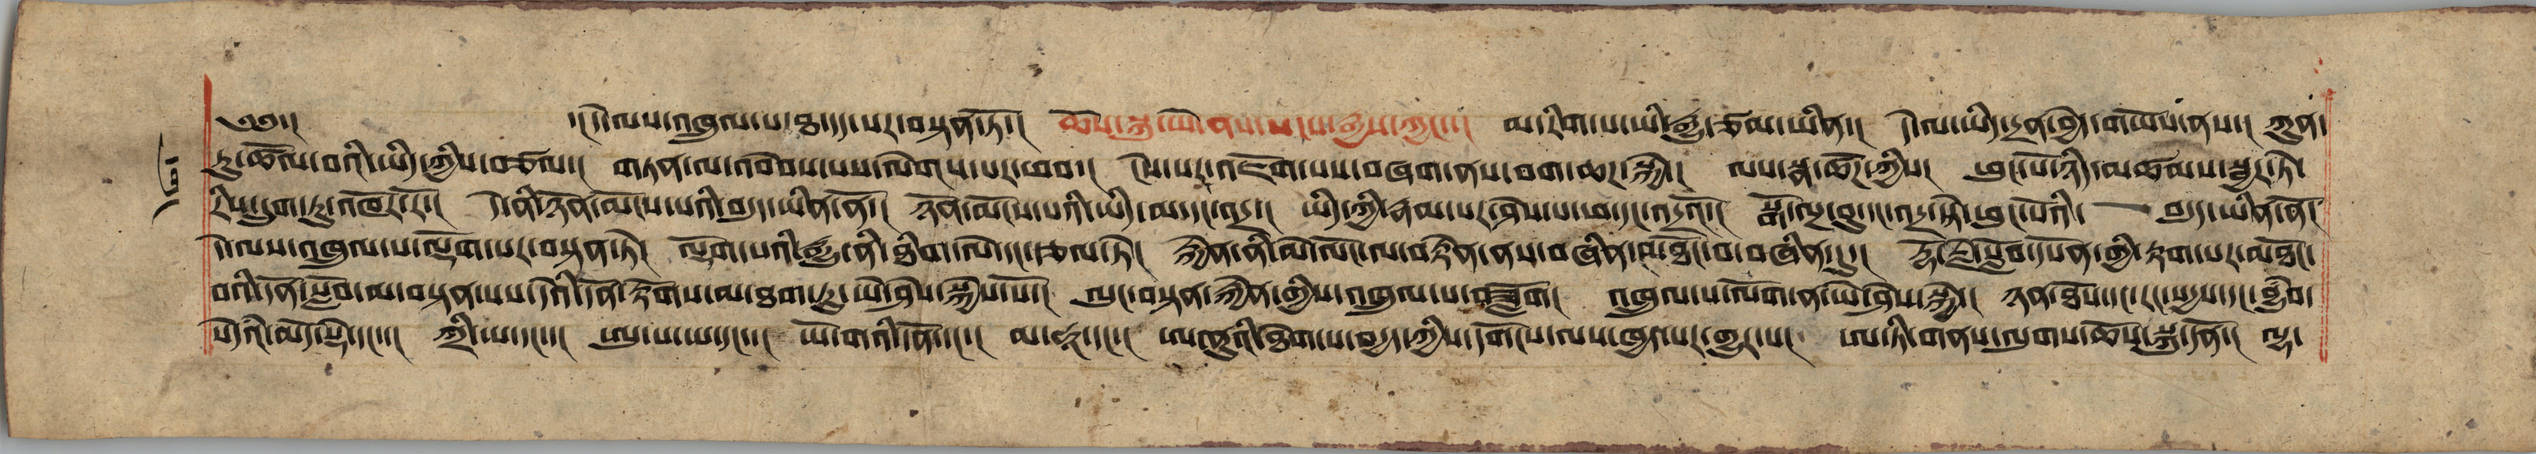༄༅་། ་།དེ་ལས་འཁྲུལ་པ་ཐ་དད་པར་བསྟན་ཏོ་། ཆོས་སྐུ་ཡེ་ནས་སངས་རྒྱས་ཀྱང་་། མ་རིག་པ་ཡི་རྒྱུ་ཙམ་ཡིན་། དེ་ལ་ཡིད་དྲན་བྱེད་གཡོས་ནས་། ཀུན་
ཏུ་ཚོལ་བའི་ཡིད་ཀྱིས་བཙལ་། གཏན་ལ་འབེབས་པས་ལེགས་པར་ཕབ་། ངེས་པར་འཇོག་པས་བཞག་ནས་བག་ཆཌ་སྐྱེ་། ལས་སྣ་ཚོཌ་ཀྱིས། ཕུང་པོ་ཉིད་མཚམས་སྦྱར་ཏེ་
རིས་དྲུག་ཏུ་འཁོར་རོ་། དེ་ནི་ཉོན་མོངས་པའི་བདུད་ཡིན་ནོ་། ཉོན་མོངས་པའི་ཡིད་མ་དང་འདྲ་། ཡིད་ཀྱི་རྣམ་པར་ཤེས་པ་ཕ་དང་འདྲའོ་། སྒོ་ལྔ་བུ་དང་འདྲ་སྟེ་ཕུང་པོའི་ བདུད་ཡིན་ནོ།
དེ་ལས་འཁྲུལ་པ་ལྡོག་པར་བསྟན་ཏེ། ལྡོག་པའི་རྒྱུ་ནི་ཐིག་ལེ་དང་རྩལ་ཏེ། རྐྱེན་ནི་མེ་ལོང་ལ་བརྟེན་ནས་བཞིན་མཐོང་བ་བཞིན་དུ་། རྡོ་རྗེ་སློབ་དཔོན་གྱི་རྟག་པར་མཐོང་
བའི་དོན་སློབ་མ་བསྟན་པས་དེའི་དོན་རྟོགས་མ་ཐག་ཏུ་ཡེ་ཤེས་སྐྱེས་སོ་། ལུང་བསྟན་རྐྱེན་གྱིས་འཁྲུལ་པ་བཟློག། འཁྲུལ་པ་ལོག་ན་ཡེ་ཤེས་སྐྱེ་། ཉན་ཐོས་དང་རང་སདྱས་དང་བྱུཾབ་
སེདཾའ་མདོ་སྡེ་དང་་། ཀྲི་ཡ་དང་་། ཨུ་པ་ཡ་དང་་། ཡོ་གའི་དོན་དང་། མ་ཧཱ་དང་། ཨ་ནུའི་ཐེག་པ་བདྱད་ཀྱིས་དགོངས་ལས་ཁྱད་པར་གྱུར་པ། ཨ་ཏི་གནས་ལུགས་ཆོས་སྐུ་དོན་། ལྷ་